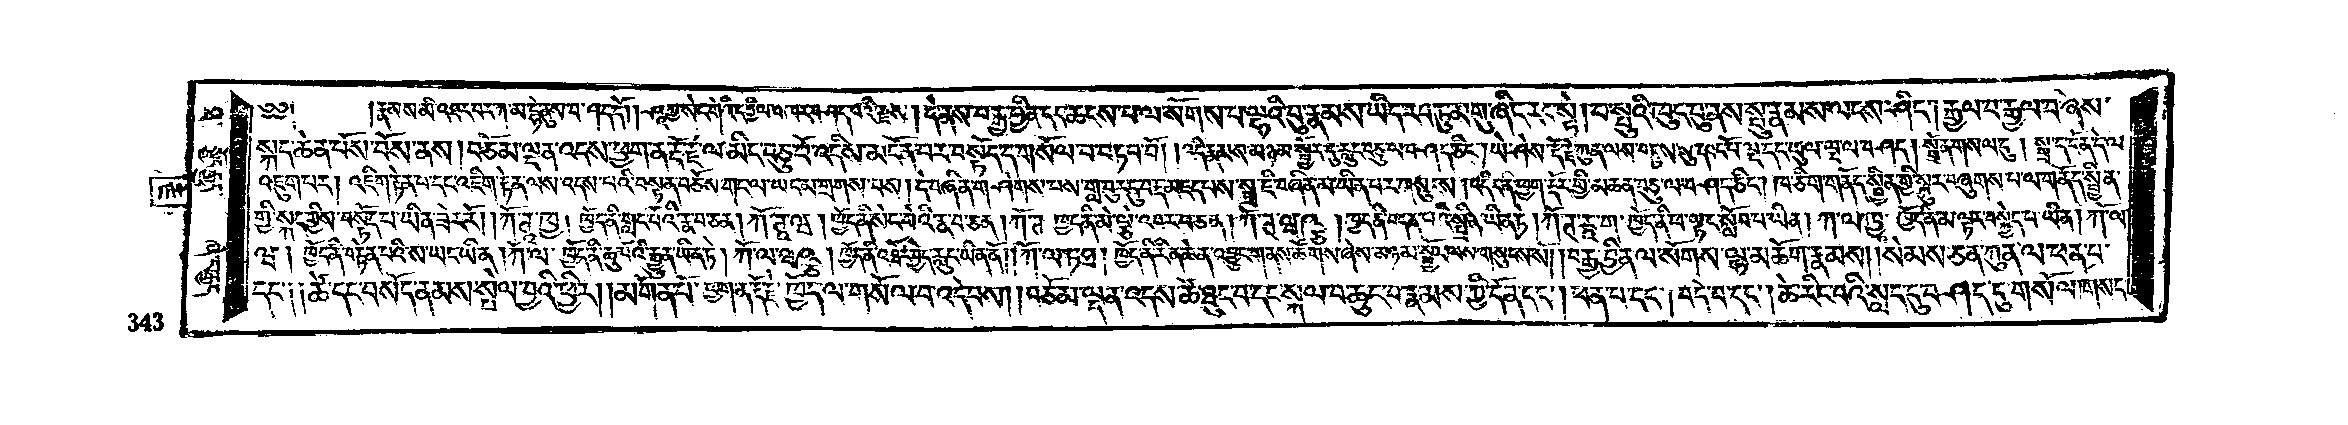༄༅། །རྣམས་མི་འཐར་བར་ཀ་མ་དྷེ་ནུས་པ་ཤད་དོ། །ཤཱཀྱ་སེང་གེའི་དཀྱིལ་འཁོར་བཤད་པའི་རྫས། དེ་ནས་བརྒྱ་བྱིན་དང་ཚངས་པ་ལ་སོགས་པ་ལྷའི་བུ་རྣམས་ཡིད་རབ་ཏུ་མགུ་ཞིང་རང་སྟེ། བ་སྤུའི་ཁུད་བུ་ནས་སྤུ་རྣམས་ལངས་ཤིང་། རྒྱལ་བ་རྒྱལ་བ་ཞེས་
སྐད་ཆེན་པོས་བོས་ནས། །བཅོམ་ལྡན་འདས་ཕྱག་ན་རྡོ་རྗེ་ལ་མིང་བཅུ་བོ་འདིས་མངོན་པར་བསྟོད་དེ་གསོལ་བ་བཏབ་བོ། །འདི་རྣམས་མཉམ་སྦྱོར་དུ་རླུང་བཅུ་ལ་བཤད་ཅིང་། ཡེ་ཤེས་རྡོ་རྗེ་ཀུན་ལས་བཏུས་སུ་དབང་པོ་ལྔ་དང་ཡུལ་ལྔ་ལ་བཤད། སྒྲོན་གསལ་དུ། སྒྲ་ད་དོན་ཅེ་ལ་
འཇུག་པར། འཇིག་རྟེན་པ་དང་འཇིག་རྟེན་ལས་འདས་པའི་བསྟན་བཅོས་གང་ལ་ཡང་མ་གྲགས་པས། དེ་བཞིན་གཤེགས་པས་གླ་བུར་དུ་བརྡ་མཛད་པས་སྒྲ་ཇི་བཞིན་མ་ཡིན་པར་གསུངས། འདིར་ནི་ཕྱག་རྡོར་གྱི་མཚན་བཅུ་ལ་བཤད་ཅིང་། ཁ་ཅིག་གནོད་སྦྱིན་གྱི་སྐུར་བཞུགས་པ་ལ་གནོད་སྦྱིན་
གྱི་སྐད་གྱིས་བསྟོད་པ་ཡིན་ཟེར་རོ། །ཀོ་ཊཱ་ཁྱ། ཁྱོད་ནི་གླང་པོའི་རྣ་བ་ཅན། ཀོ་ཊཱ་ཝ། ཁྱོད་ནི་སེང་གེའི་རྣ་བ་ཅན། ཀོ་ཊ་ཁྱད་ནི་མེ་ལྕེ་འབར་བ་ཅན། ཀོ་ཊ་ཝ་ཥྩ། ཁྱད་ནི་བདན་པའི་སྤྲིན་ཡིན་ཏེ། ཀོ་ཊ་རཱ་ག་ཁྱོད་ནི་ཕ་ལྟར་སློབ་པ་ཡིན། ཀ་ལ་ཁྱ་ཁྱོད་ནི་མ་ལྟར་བསྐྱེད་པ་ཡིན། ཀོ་ལ་
ཝ། ཁྱོད་ནི་བརྟེན་པའི་ས་ཡང་ཡིན། །ཀོ་ལ་ཁྱོད་ནི་ཆུ་བོའི་རྒྱུན་ཡིན་ཏེ། ཀོ་ལ་ཝཥྩ། ཁྱད་ནི་འཐོར་བྱེད་རླུང་ཡིན་ནོ། །ཀོ་ལ་ཏ་ཐ། ཁྱོད་ནི་རིན་ཆེན་འབྱུང་གནས་ཚོགས་ཞེས་མཉམ་སྦྱོར་ལས་གསུངས་སོ། །བརྒྱ་བྱིན་ལ་སོགས་ལྷ་མཆོག་རྣམས། །སེམས་ཅན་ཀུན་ལ་ཕན་པ་
དང་། །ཚེ་དང་བསོད་ནམས་སྤེལ་བྱའི་ཕྱིར། །མགོན་པོ་ཕྱག་ན་རྡོ་རྗེ་ཁྱོད་ལ་གསོལ་བ་འདེབས། །བཅོམ་ལྡན་འདས་ཚེ་ཐུང་བ་དང་སྐལ་བ་ཆུང་བ་རྣམས་ཀྱི་དོན་དང་། ཕན་པ་དང་། བདེ་བ་དང་། ཚེ་རིང་བའི་སླད་དུ་བཤད་དུ་གསོལ། གསང་